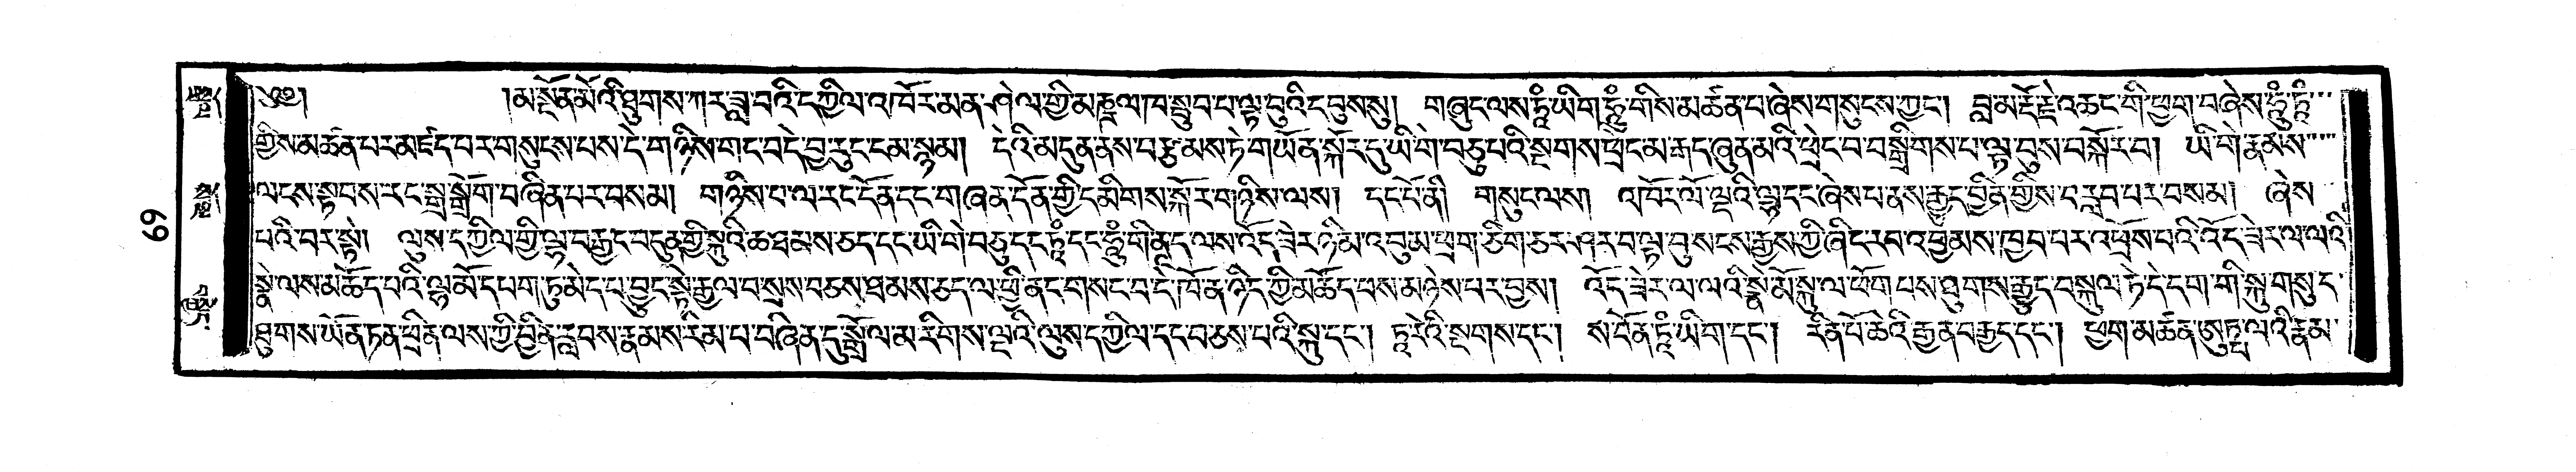༄༅། །མ་སྔོན་མོའི་ཐུགས་ཀར་ཟླ་བའི་དཀྱིལ་འཁོར་མན་ཤེལ་གྱི་མཎྜལ་ཁ་སྦུབ་པ་ལྟ་བུའི་དབུས་སུ། གཞུང་ལས་ཏཱཾ་ཡིག་ཧཱུཾ་གིས་མཚན་པ་ཞེས་གསུངས་ཀྱང་། བླ་མ་རྡོ་རྗེ་འཆང་གི་ཕྱག་བཞེས་ཧཱུཾ་ཏཱཾ་
གྱིས་མཚན་པར་མཛད་པར་གསུངས་པས་དེ་གཉིས་གང་བདེ་བྱ་རུང་ངམ་སྙམ། དེའི་མདུན་ནས་བརྩམས་ཏེ་གཡོན་སྐོར་དུ་ཡི་གེ་བཅུ་པའི་སྤགས་ཕྲེང་མ་རྒད་ཞུན་མའི་ཕྲེང་བ་བསྒྲིགས་པ་ལྟ་བུས་བསྐོར་བ། ཡི་གེ་རྣམས་
ལངས་སྟབས་རང་སྒྲ་སྒྲོག་བཞིན་པར་བསམ། གཉིས་པ་ལ་རང་དོན་དང་གཞན་དོན་གྱི་དམིགས་སྐོར་གཉིས་ལས། དང་པོ་ནི། གསུང་ལས། འཁོར་ལོ་ལྔའི་ལྷ་དང་ཞེས་པ་ནས་རྒྱུད་བྱིན་གྱིས་བརླབ་པར་བསམ། ཞེས་
པའི་བར་ཏེ། ལུས་དཀྱིལ་གྱི་ལྷ་བརྒྱ་ང་བདུན་གྱི་སྐུའི་ཆ་ཐམས་ཅད་དང་ཡི་གེ་བཅུ་དང་ཏཱཾ་དང་ཧཱུཾ་གི་ནཱ་ད་ལས་འོད་ཟེར་ཉི་མ་འབུམ་ཕྲག་ཅིག་ཅར་ཤར་བ་ལྟ་བུ་སྔགས་རྒྱས་ཀྱི་ཞིང་རབ་འབྱམས་ཁྱབ་པར་འཕྲོས་པའི་འོད་ཟེར་ལ་ལའི་
སྣེ་ལས་མཆོད་པའི་ལྷ་མོ་དཔག་ཏུ་མེད་པ་བྱུང་སྟེ་རྒྱལ་བ་སྲས་བཅས་ཐམས་ཅད་ལ་ཕྱི་ནང་གསང་བ་དེ་ཁོ་ན་ཉིད་ཀྱི་མཆོད་པས་མཉེས་པར་བྱས། འོད་ཟེར་ལ་ལའི་སྣེ་མོ་སྐུ་ལ་ཕོག་པས་ཐུགས་རྒྱུད་བསྐུལ་ཏེ་དེ་དག་གི་སྐུ་གསུང་
ཐུགས་ཡོན་ཏན་ཕྲིན་ལས་ཀྱི་བྱིན་རླབས་རྣམས་རིམ་པ་བཞིན་དུ་སྒྲོལ་མ་རིགས་ལྔའི་ལུས་དཀྱིལ་དང་བཅས་པའི་སྐུ་དང་། ཏཱ་རེའི་སྔགས་དང་། ས་བོན་ཏཱཾ་ཡིག་དང་། རིན་པོ་ཆེའི་རྒྱན་བརྒྱད་དང་། ཕྱག་མཚན་ཨུཏྤ་ལའི་རྣམ་